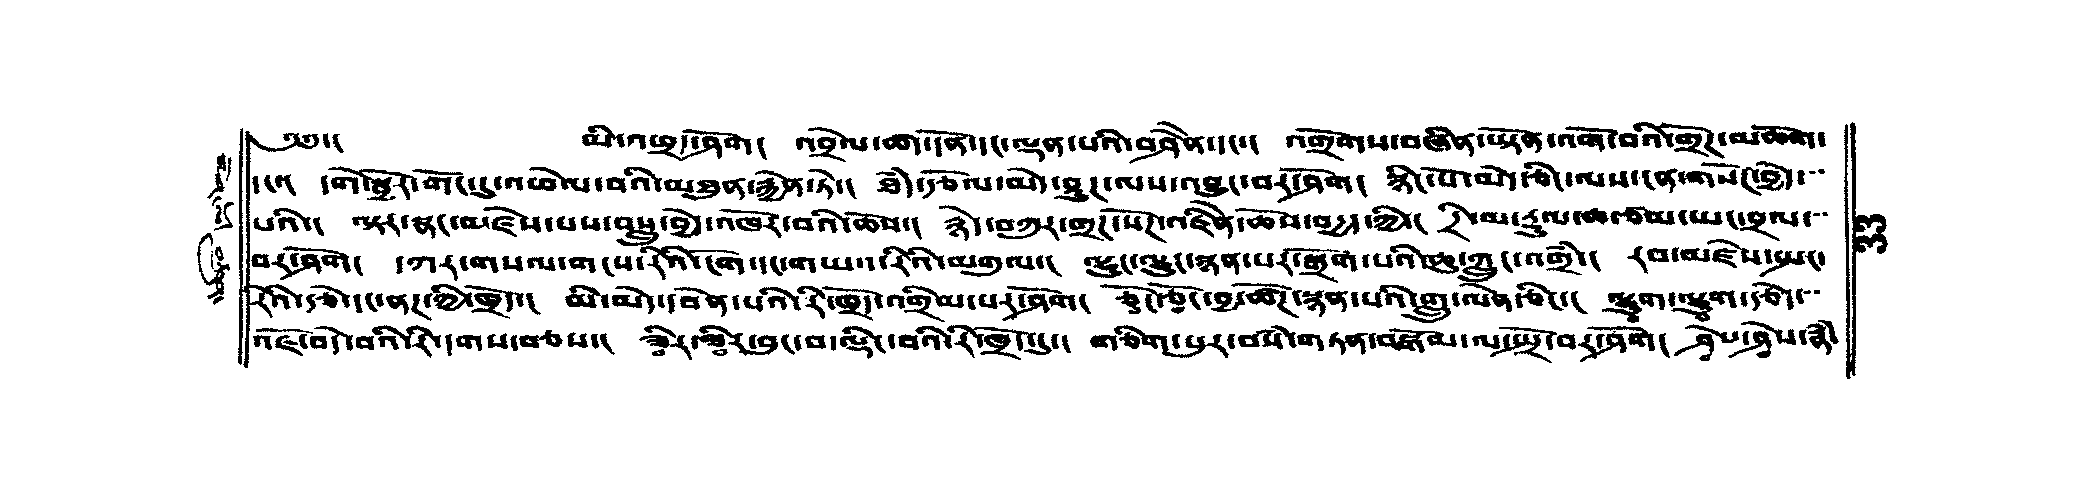མི་འཕྲད་ཤོག །འབྲེལ་ཚད་དོན་དང་ལྡན་པའི་བཤེས་གཉེན་དང་། །འགྲོགས་བཞིན་ཡོན་ཏན་འགོ་བའི་གྲོགས་མཆོག་
དང་། །དགེ་སྦྱོར་གོང་དུ་འཕེལ་བའི་མཐུན་རྐྱེན་ཏེ། །ཐམས་ཅད་རྩོལ་མེད་ཤུགས་ལས་འབྱུང་བར་ཤོག །སྙིང་པོ་མེད་ཅིང་ལས་ངན་གསོག་བྱེད་
པའི། །ལྟར་སྣང་མཛེས་པས་བསླུ་བྱེད་འཁོར་བའི་ཆོས། །རྙེད་བཀུར་གྲགས་སོགས་འཇིག་རྟེན་ཆོས་བརྒྱད་ཀྱི། །དྲི་མ་རྡུལ་ཆ་ཙམ་ཡང་བྲལ་
བར་ཤོག །དཀར་གསལ་གངས་རིའི་ངོགས་དང་གཡའ་རིའི་འགུལ། །ལྷུང་ལྷུང་སྙན་པར་སྒྲོག་པའི་ཆུ་ཀླུང་འགྲམ། །རབ་མཛེས་སྤང་
རིའི་རྩེ་དང་ནགས་ཀྱི་ཁྲོད། །མི་མེད་དབེན་པའི་རི་ཁྲོད་འགྲིམ་པར་ཤོག །ཅོང་ཅོང་བྱ་ཚོགས་སྙན་པའི་གླུ་ལེན་ཅིང་། །ལྷུག་ལྷུག་རྩེད་
འཇོ་བདེ་བའི་རི་དྭགས་བཅས། །ཟིར་ཟིར་བུང་བ་ལྡིང་བའི་རི་ཁྲོད་དུ། །གཅིག་པུར་བསམ་གཏན་བསྒོམ་ལ་སྤྲོ་བར་ཤོག །ཤེས་ཤེས་རྣམ་